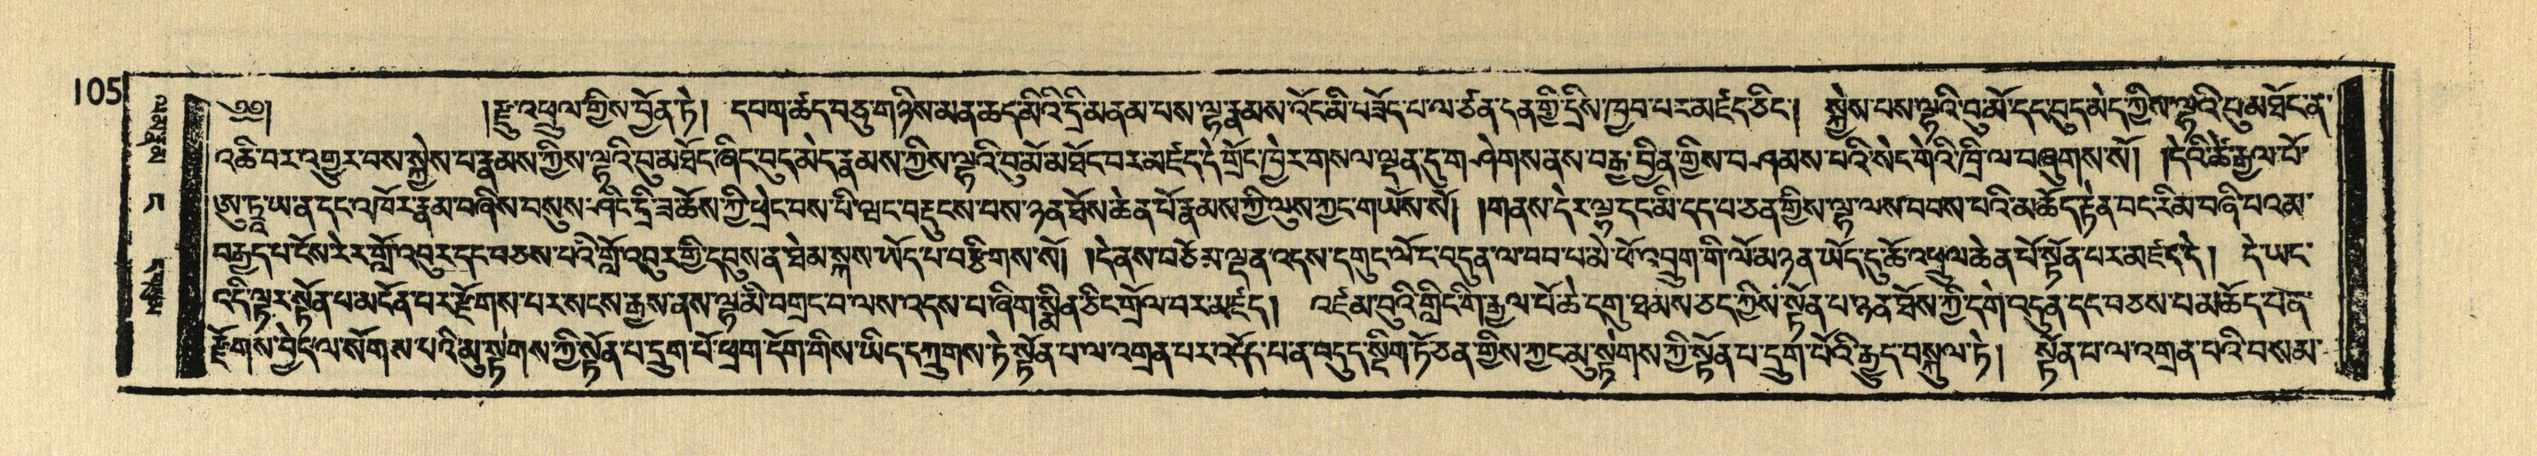༄༅། །རྫུ་འཕྲུལ་གྱིས་བྱོན་ཏེ། དཔག་ཚད་བཅུ་གཉིས་མན་ཆད་མིའི་དྲི་མནམ་པས་ལྷ་རྣམས་འོད་མི་བཟོད་པ་ལ་ཙན་དན་གྱི་དྲིས་ཁྱབ་པར་མཛད་ཅིང་། སྐྱེས་པས་ལྷའི་བུ་མོ་དང་བུད་མེད་ཀྱིས་ལྷའི་བུ་མཐོང་ན་
འཆི་བར་འགྱུར་པས་སྐྱེས་པ་རྣམས་ཀྱིས་ལྷའི་བུ་མཐོང་ཞིང་བུད་མེད་རྣམས་ཀྱིས་ལྷའི་བུ་མོ་མཐོང་བར་མཛད་དེ་གྲོང་ཁྱེར་གསལ་ལྡན་དུ་གཤེགས་ནས་བརྒྱ་བྱིན་གྱིས་བཤམས་པའི་སེང་གེའི་ཁྲིལ་བཞུགས་སོ། །དེའི་ཚེ་རྒྱལ་པོ་
ཨུ་ཏྲཱ་ཡ་ན་དང་འཁོར་རྣམ་བཞིས་བསུས་ཤིང་དྲི་ཟ་ཆོས་ཀྱི་ཕྲེང་བས་པི་ཝང་བརྡུངས་པས་ཉན་ཐོས་ཆེན་པོ་རྣམས་ཀྱི་ལུས་ཀྱང་གཡོས་སོ། །གནས་དེར་ལྷ་དང་མི་དད་པ་ཅན་གྱིས་ལྷ་ལས་བབས་པའི་མཆོད་རྟེན་བང་རིམ་བཞི་པའམ་
བརྒྱད་པ་ངོས་རེར་གློ་འབུར་དང་བཅས་པའི་གློ་འབུར་གྱི་དབུས་ན་ཐེམ་སྐས་ཡོད་པ་བརྩིགས་སོ། །དེ་ནས་བཅོམ་ལྡན་འདས་དགུང་ལོ་ང་བདུན་ལ་བབ་པ་མེ་ཕོ་འབྲུག་གི་ལོ་མཉན་ཡོད་དུ་ཆོ་འཕྲུལ་ཆེན་པོ་སྟོན་པར་མཛད་དེ། དེ་ཡང་
འདི་ལྟར་སྟོན་པ་མངོན་པར་རྫོགས་པར་སངས་རྒྱས་ནས་ལྷ་མི་བགྲང་བ་ལས་འདས་པ་ཞིག་སྨིན་ཅིང་གྲོལ་བར་མཛད། འཛམ་བུའི་གླིང་གི་རྒྱལ་པོ་ཆེ་དགུ་ཐམས་ཅད་ཀྱིས་སྟོན་པ་ཉན་ཐོས་ཀྱི་དགེ་འདུན་དང་བཅས་པ་མཆོད་པ་ན་
རྫོགས་བྱེད་ལ་སོགས་པའི་མུ་སྟེགས་ཀྱི་སྟོན་པ་དྲུག་པོ་ཕྲག་དོག་གིས་ཡིད་དཀྲུགས་ཏེ་སྟོན་པ་ལ་འགྲན་པར་འདོད་པ་ན་བདུད་སྡིག་ཏོ་ཅན་གྱིས་ཀྱང་མུ་སྟེགས་ཀྱི་སྟོན་པ་དྲུག་པོའི་རྒྱུད་བསྐུལ་ཏེ། སྟོན་པ་ལ་འགྲན་པའི་བསམ་